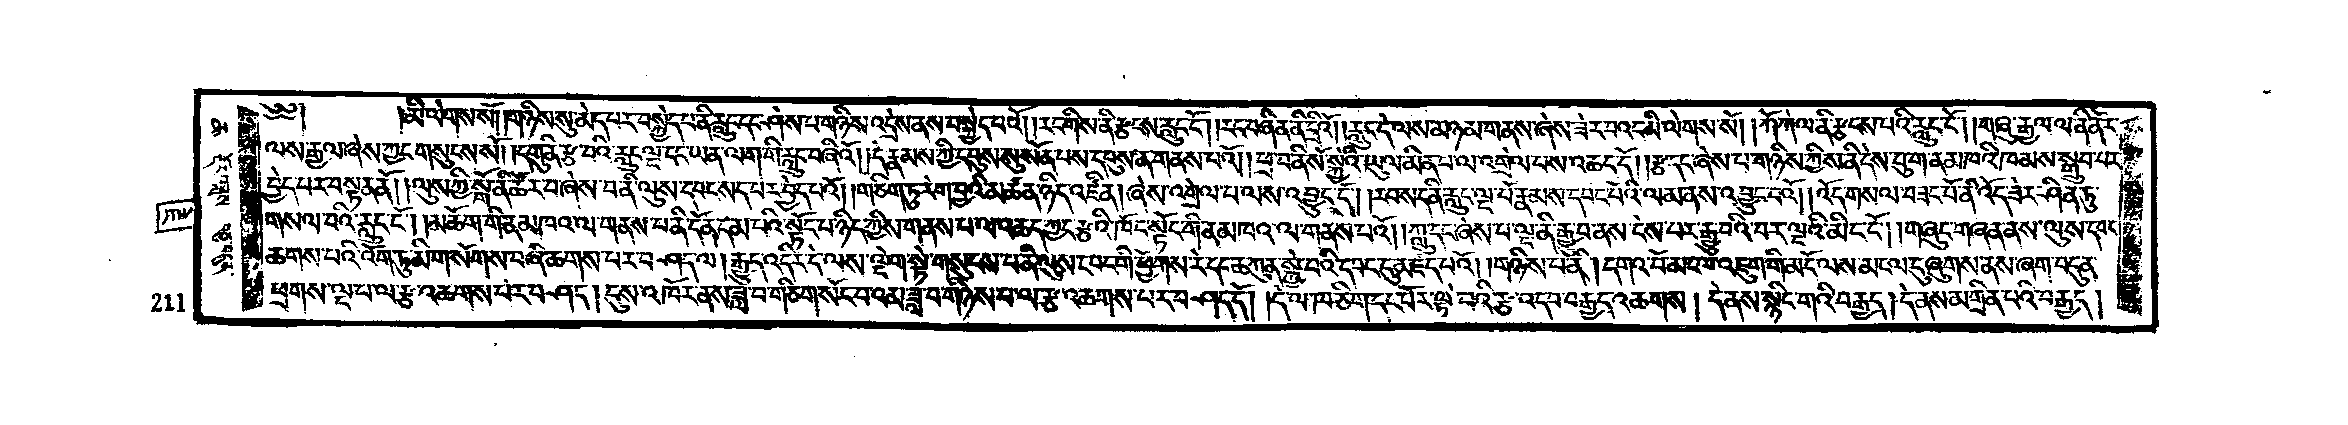༄༅། །མི་ལེགས་སོ། །གཉིས་སུ་མེད་པར་བསྐྱེད་པ་ནི་རླུང་དང་ཤེས་པ་གཉིས་འདྲེས་ནས་བསྐྱེད་པའོ། །རང་གིས་ནི་རྩངས་རླུང་ངོ། །རང་བཞིན་ནི་དྲིའོ། །རླུང་དེ་ལས་མཉམ་གནས་ཞེས་ཟེར་བའང་མི་ལེགས་སོ། །ཀོ་ཀེལ་ནི་རྩངས་པའི་རླུང་ངོ། །གཞུ་རྒྱལ་ལ་ནི་ནོར་
ལས་རྒྱལ་ཞེས་ཀྱང་གསུངས་སོ། །དགུ་ནི་རྩ་བའི་རླུང་ལྔ་དང་ཡན་ལག་གི་རླུང་བཞིའོ། །དེ་རྣམས་ཀྱི་དབུས་སུ་སོན་པས་དབུས་ན་གནས་པའོ། །ཕྲ་བ་ནི་སོ་སྐྱེའི་ཡུལ་མིན་པ་ལ་འགྲེལ་པས་འཆད་དོ། །རྩ་དང་ཞེས་པ་གཉིས་ཀྱིས་ནི་དེས་བུ་ག་ནམ་མཁའི་ཁམས་སྒྲུབ་པར་
བྱེད་པར་བསྟན་ནོ། །ལུས་ཀྱི་སྒོ་ནི་ཚོར་བ་ཞེས་པ་ནི་ལུས་དབང་སད་པར་བྱེད་པའོ། །གཅིག་ཏུ་རེག་བྱའི་མཚན་ཉིད་འཛིན། ཞེས་འགྲེལ་པ་ལས་འབྱུང་ངོ། །རབ་སད་ནི་རླུང་ལྔ་པོ་རྣམས་དབང་པོའི་ལམ་ནས་འབྱུང་བའོ། །འོད་གསལ་བཟང་པོ་ནི་འོད་ཟེར་ཤིན་ཏུ་
གསལ་བའི་རླུང་ངོ། །མཆོག་གི་ནམ་མཁའ་ལ་གནས་པ་ནི་དོན་དམ་པའི་སྟོང་པ་ཉིད་ཀྱིས་གནས་པ་ལ་འཆད་ཀྱང་རྩའི་ཁོང་སྟོང་གི་ནམ་མཁའ་ལ་གནས་པའོ། །ཀླུ་དང་ཞེས་པ་ལྔ་ནི་རྒྱུ་བ་ནས་ངེས་པར་རྒྱུ་བའི་བར་ལྔའི་མིང་ངོ། །གཞུང་གཞན་ནས་ལུས་དབང་
ཆགས་པའི་འོག་ཏུ་མིག་སོགས་བཞི་ཆགས་པར་བཤད་ལ། རྒྱུད་འདིར་དེ་ལས་ལྡོག་སྟེ་གསུངས་པ་ནི་ལུས་དབང་གི་ཕྱོགས་རེ་དང་ཆ་ཀུན་སྐྱེ་བའི་དབང་དུ་མཛད་པའོ། །གཉིས་པ་ནི། དགའ་བོ་མངལ་འཇུག་གི་མདོ་ལས་མངལ་དུ་ཞུགས་ནས་ཞག་བདུན་
ཕྲགས་ལྔ་པ་ལ་རྩ་འཆགས་པར་བཤད། དུས་འཁོར་ནས་ཟླ་བ་གཅིག་སོང་བའམ་ཟླ་བ་གཉིས་པ་ལ་རྩ་འཆགས་པར་བཤད་དོ། །དེ་ལ་ཁ་ཅིག་དང་པོར་ལྟེ་བའི་རྩ་འདབ་བརྒྱད་འཆགས། ད་ནས་སྙིང་གའི་བརྒྱད། དེ་ནས་མགྲིན་པའི་བརྒྱད།